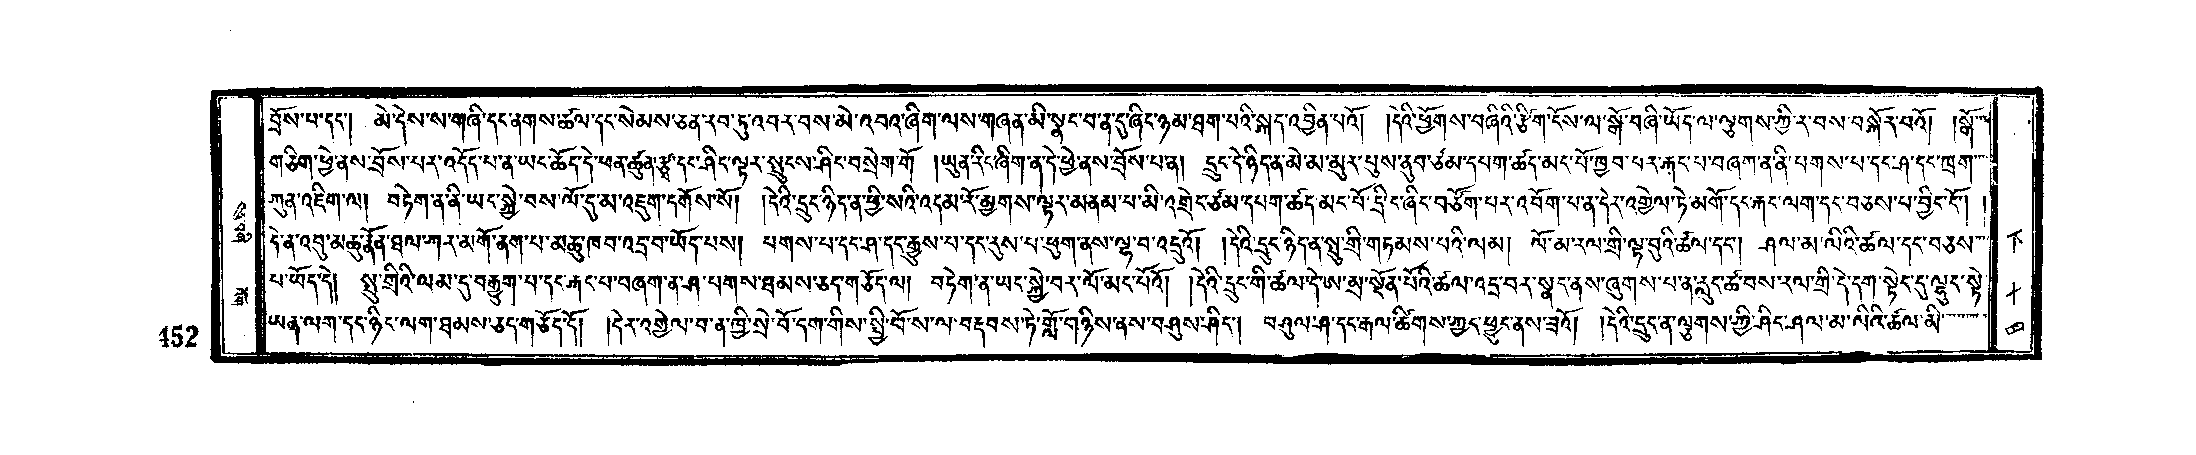བྲོས་པ་དང་། མེ་དེས་ས་གཞི་དང་ནགས་ཚལ་དང་སེམས་ཅན་རབ་ཏུ་འབར་བས་མེ་འབའ་ཞིག་ལས་གཞན་མི་སྣང་བ་ན་དུ་ཞིང་ཉམ་ཐག་པའི་སྐད་འབྱིན་པའོ། །དེའི་ཕྱོགས་བཞིའི་རྩིག་ངོས་ལ་སྒོ་བཞི་ཡོད་ལ་ལྕགས་ཀྱི་ར་བས་བསྐོར་བའོ། །སྒོ་
གཅིག་ཕྱེ་ནས་བྲོས་པར་འདོད་པ་ན་ཡང་ཆོད་དེ་ཕན་ཚུན་རྩྭ་དང་ཤིང་ལྟར་སྤུངས་ཤིང་བསྲེག་གོ །ཡུན་རིང་ཞིག་ན་དེ་ཕྱེ་ནས་བྲོས་པ་ན། དྲུང་དེ་ཉིད་ན་མེ་མ་མུར་པུས་ནུབ་ཙམ་དཔག་ཚད་མང་པོ་ཁྱབ་པར་རྐང་པ་བཞག་ན་ནི་པགས་པ་དང་ཤ་དང་ཁྲག་
ཀུན་འཇིག་ལ། བཏེག་ན་ནི་ཡང་སྐྱེ་བས་ལོ་དུ་མ་འཇུག་དགོས་སོ། །དེའི་དྲུང་ཉིད་ན་ཕྱི་སའི་འདམ་རོ་མྱགས་ལྟར་མནམ་པ་མི་འགྲེང་ཙམ་དཔག་ཚད་མང་པོ་དྲི་ང་ཞིང་བཙོག་པར་འབོག་པ་ན་དེར་འགྱེལ་ཏེ་མགོ་དང་རྐང་ལག་དང་བཅས་པ་བྱིང་ངོ། །
དེ་ན་འབུ་མཆུ་རྣོན་ཐལ་ཀར་མགོ་ནག་པ་མཆུ་ཁབ་འདྲ་བ་ཡོད་པས། པགས་པ་དང་ཤ་དང་རྒྱུས་པ་དང་རུས་པ་ཕུག་ནས་ལྷ་བ་འདྲུའོ། །དེའི་དྲུང་ཉིད་ན་སྤུ་གྲི་གཏམས་པའི་ལམ། ལོ་མ་རལ་གྲི་ལྟ་བུའི་ཚལ་དང་། ཤལ་མ་ལིའི་ཚལ་དང་བཅས་
པ་ཡོད་དེ། སྤུ་གྲིའི་ལམ་དུ་བརྒྱུག་པ་དང་རྐང་པ་བཞག་ན་ཤ་པགས་ཐམས་ཅད་གཅོད་ལ། བཏེག་ན་ཡང་སྐྱེ་བར་ལོ་མང་པོའོ། །དེའི་དྲུང་གི་ཚལ་དེ་ཨ་མྲ་སྔོན་པོའི་ཚལ་འདྲ་བར་སྣང་ནས་ཞུགས་པ་ན་རླུང་ཚ་བས་རལ་གྲི་དེ་དག་སྟེང་དུ་ལྷུང་སྟེ་
ཡན་ལག་དང་ཉིང་ལག་ཐམས་ཅད་གཅོད་དོ། །དེར་འགྱེལ་བ་ན་ཁྱི་སྲེ་བོ་དག་གིས་སྤྱི་བོ་ས་ལ་བརྡབས་ཏེ་གློ་གཉིས་ནས་བཤུས་ཤིང་། བཤུལ་ཤ་དང་རྒལ་ཚིགས་ཀྱང་ཕྱུང་ནས་ཟའོ། །དེའི་དྲུང་ན་ལྕགས་ཀྱི་ཤིང་ཤལ་མ་ལིའི་ཚལ་མི་